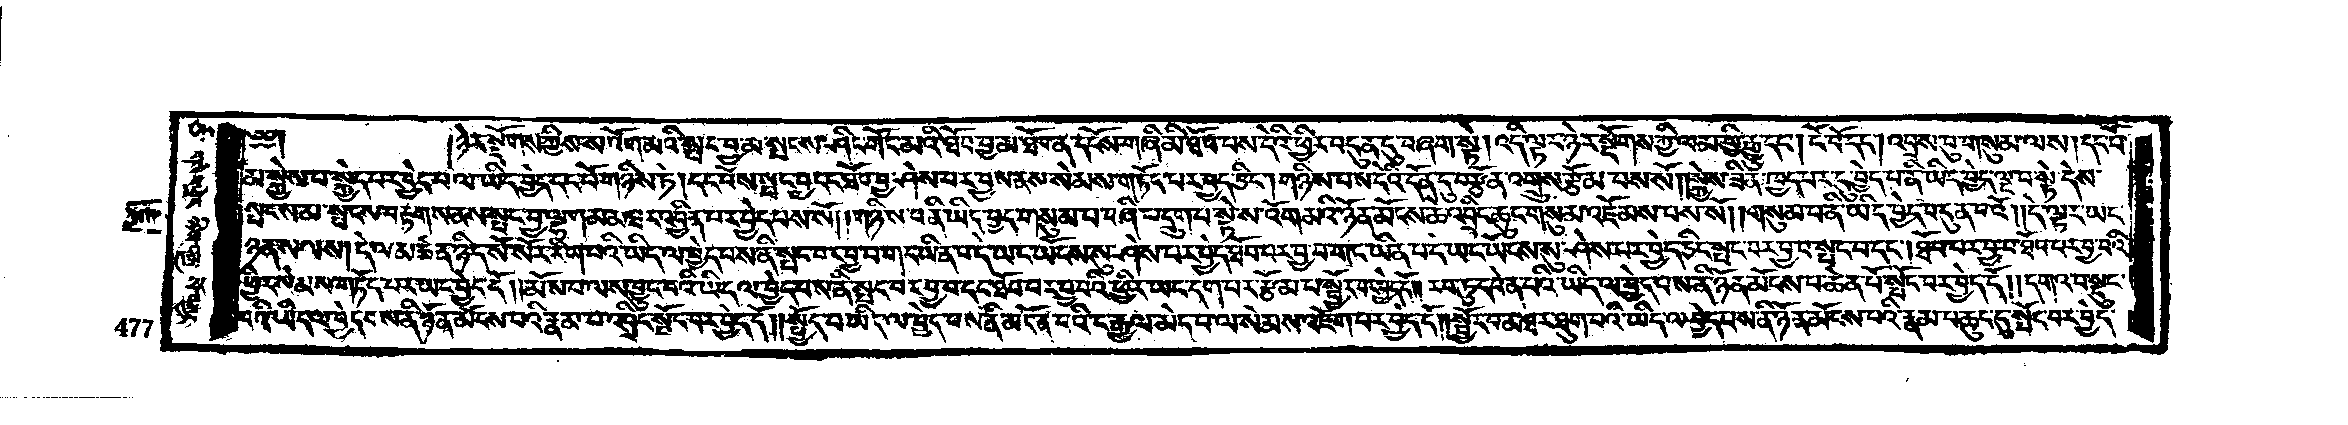༄༅། །ཉེར་སྡོགས་ཀྱིས་ས་འོག་མའི་སྤང་བྱ་མ་སྤངས་ཤིང་གོང་མའི་ཐོབ་བྱ་མ་ཐོབ་ན་དངོས་གཞི་མི་ཐོབ་པས་དེའི་ཕྱིར་བདུན་དུ་བཞག་སྟེ། འདི་ལྟར་ཉེར་སྡོགས་ཀྱི་ལམ་གྱི་རྒྱུ་དང་། ངོ་བོ་དང་། འབྲས་བུ་གསུམ་ལས། དང་པོ་
མ་སྐྱེས་པ་སྐྱེད་པར་བྱེད་པ་ལ་ཡིད་བྱེད་དང་པོ་གཉིས་ཏེ། དང་པོས་སྤང་བྱ་དང་ཐོབ་བྱ་ཤེས་པར་བྱས་ནས་སེམས་གཏོད་པར་བྱེད་ཅིང་། གཉིས་པས་དེའི་དོན་དུ་བརྩོན་འགྲུས་རྩོམ་པས་སོ། །སྐྱེས་ཟིན་ཁྱད་པར་དུ་བྱེད་པ་ནི་ཡིད་བྱེད་ལྔ་པ་སྟེ་དེས་
སྤངས་མ་སྤངས་བརྟགས་ནས་སྤང་བྱ་ལྷག་མ་མཐར་འབྱིན་པར་བྱེད་པས་སོ། །གཉིས་པ་ནི་ཡིད་བྱད་གསུམ་པ་བཞི་པ་དྲུག་པ་སྟེ་ས་འོག་མའི་ཉོན་མོངས་ཆེ་འབྲིང་ཆུང་གསུམ་འཇོམས་པས་སོ། །གསུམ་པ་ནི་ཡིད་བྱེད་བདུན་པའོ། །དེ་ལྟར་ཡང་
ཉན་ས་ལས། དེ་ལ་མཚན་ཉིད་སོ་སོར་རིག་པའི་ཡིད་ལ་བྱེད་པས་ནི་སྤང་བར་བྱ་བ་གང་ཡིན་པ་དེ་ཡང་ཡོངས་སུ་ཤེས་པར་བྱེད་ཐོབ་པར་བྱ་བ་གང་ཡིན་པ་དེ་ཡང་ཡོངས་སུ་ཤེས་པར་བྱེད་ཅིང་སྤང་བར་བྱ་བ་སྤང་བ་དང་། ཐོབ་པར་བྱ་བ་ཐོབ་པར་བྱ་བའི་
ཕྱིར་སེམས་གཏོད་པར་ཡང་བྱེད་དོ། །མོས་པ་ལས་བྱུང་བའི་ཡིད་ལ་བྱེད་པས་ནི་སྤང་བར་བྱ་བ་དང་ཐོབ་པར་བྱ་བའི་ཕྱིར་ཡང་དག་པར་རྩོམ་པ་སྦྱོར་བར་བྱེད་དོ། །རབ་ཏུ་དབེན་པའི་ཡིད་ལ་བྱེད་པས་ནི་ཉོན་མོངས་པ་ཆེན་པོ་སྤོང་བར་བྱེད་དོ། །དགའ་བ་སྡུད་
བའི་ཡིད་ལ་བྱེད་པས་ནི་ཉོན་མོངས་པའི་རྣམ་པ་འབྲིང་སྤོང་བར་བྱེད་དོ། །སྤྱོད་པ་ཡིད་ལ་བྱེད་པས་ནི་མངོན་པའི་ང་རྒྱལ་མེད་པ་ལ་སེམས་འཇོག་པར་བྱེད་དོ། །སྦྱོར་བ་མཐར་ཐུག་པའི་ཡིད་ལ་བྱེད་པས་ནི་ཉོན་མོངས་པའི་རྣམ་པ་ཆུང་ངུ་སྤོང་བར་བྱེད་